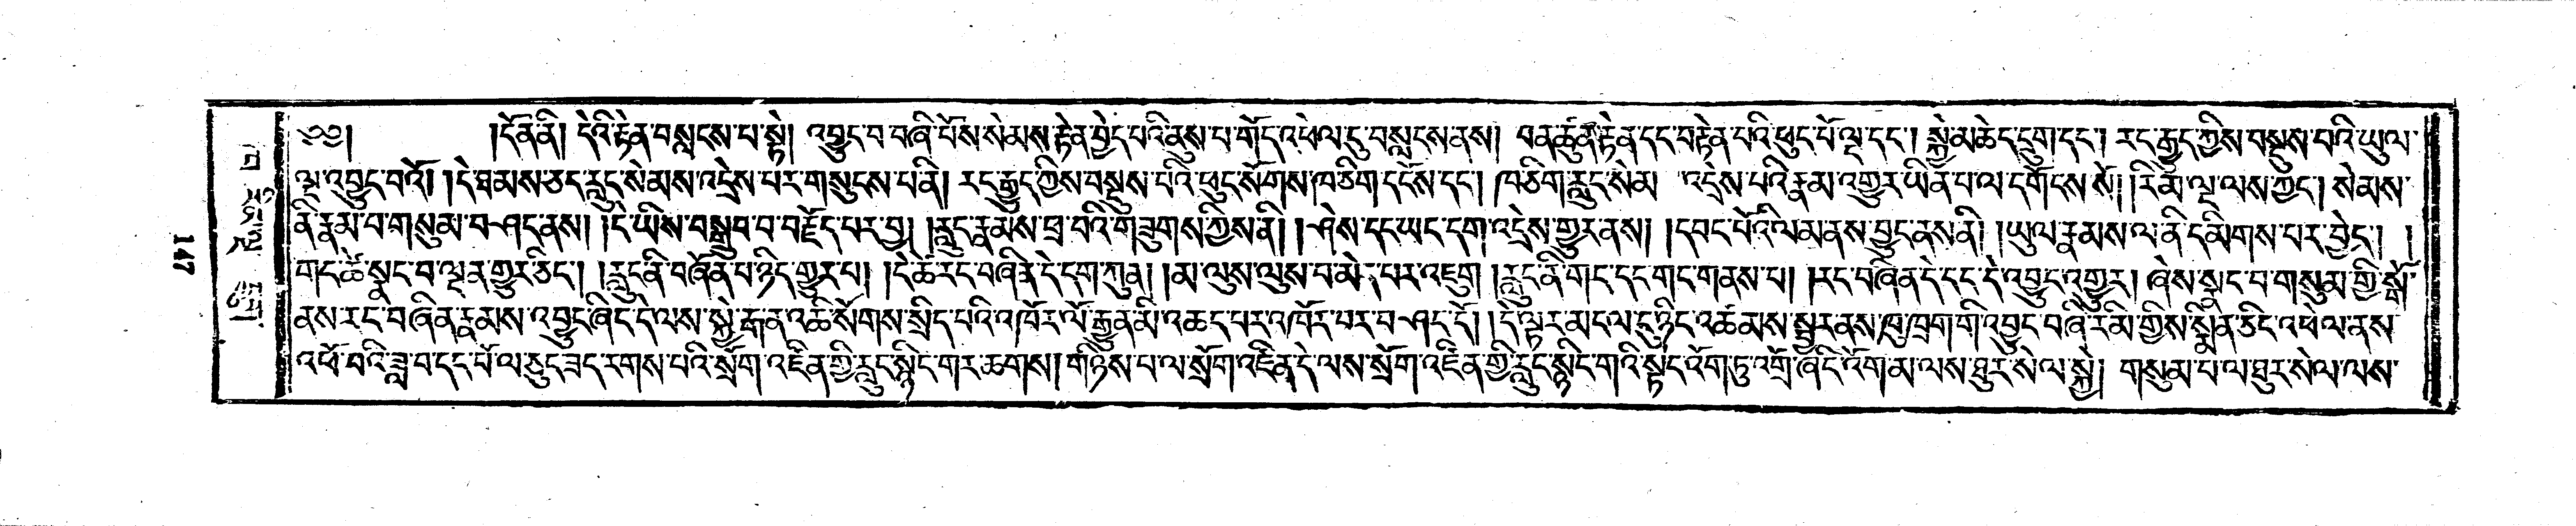༄༅། །དོན་ནི། དེའི་རྟེན་བསླངས་པ་སྟེ། འབྱུང་བ་བཞི་པོས་སེམས་རྟེན་བྱེད་པའི་ནུས་པ་གོང་འཕེལ་དུ་བསླངས་ནས། ཕན་ཚུན་རྟེན་དང་བརྟེན་པའི་ཕུང་པོ་ལྔ་དང་། སྐྱེ་མཆེད་དྲུག་དང་། རང་རྒྱུད་ཀྱིས་བསྡུས་པའི་ཡུལ་
ལྔ་འབྱུང་བའོ། །དེ་ཐམས་ཅད་རླུང་སེམས་འདྲེས་པར་གསུངས་པ་ནི། རང་རྒྱུད་ཀྱིས་བསྡུས་པའི་ཕུང་སོགས་ཁ་ཅིག་དངོས་དང་། ཁ་ཅིག་རླུང་སེམས་འདྲེས་པའི་རྣམ་འགྱུར་ཡིན་པ་ལ་དགོངས་སོ། །རིམ་ལྔ་ལས་ཀྱང་། སེམས་
ནི་རྣམ་པ་གསུམ་བཤད་ནས། །དེ་ཡིས་བསྒྲུབ་པ་བརྗོད་པར་བྱ། །རླུང་རྣམས་ཕྲ་བའི་གཟུགས་ཀྱིས་ནི། །ཤེས་དང་ཡང་དག་འདྲེས་གྱུར་ནས། །དབང་པོའི་ལམ་ནས་བྱུང་ནས་ནི། །ཡུལ་རྣམས་ལ་ནི་དམིགས་པར་བྱེད། །
གང་ཚེ་སྣང་བ་ལྡན་གྱུར་ཅིང་། །རླུང་ནི་བཞོན་པ་ཉིད་གྱུར་པ། །དེ་ཚེ་རང་བཞིན་དེ་དག་ཀུན། །མ་ལུས་ལུས་པ་མེད་པར་འཇུག །རླུང་ནི་གང་དང་གང་གནས་པ། །རང་བཞིན་དེ་དང་དེ་འབྱུང་འགྱུར། ཞེས་སྣང་བ་གསུམ་གྱི་སྒོ་
ནས་རང་བཞིན་རྣམས་འབྱུང་ཞིང་དེ་ལས་སྐྱེ་རྒ་ན་འཆི་སོགས་སྲིད་པའི་འཁོར་ལོ་རྒྱུན་མི་འཆད་པར་འཁོར་བར་བཤད་དོ། །དེ་ལྟར་མངལ་དུ་ཉིང་འཚམས་སྦྱར་ནས་ཁུ་ཁྲག་གི་འབྱུང་བཞི་རིམ་གྱིས་སྨིན་ཅིང་འཕེལ་ནས་
འཕོ་བའི་ཟླ་བ་དང་པོ་ལ་ཅུང་ཟད་རགས་པའི་སྲོག་འཛིན་གྱི་རླུང་སྙིང་གར་ཆགས། གཉིས་པ་ལ་སྲོག་འཛིན་དེ་ལས་སྲོག་འཛིན་གྱི་རླུང་སྙིང་གའི་སྟེང་འོག་ཏུ་འགྲོ་ཞིང་འོག་མ་ལས་ཐུར་སེལ་སྐྱེ། གསུམ་པ་ལ་ཐུར་སེལ་ལས་